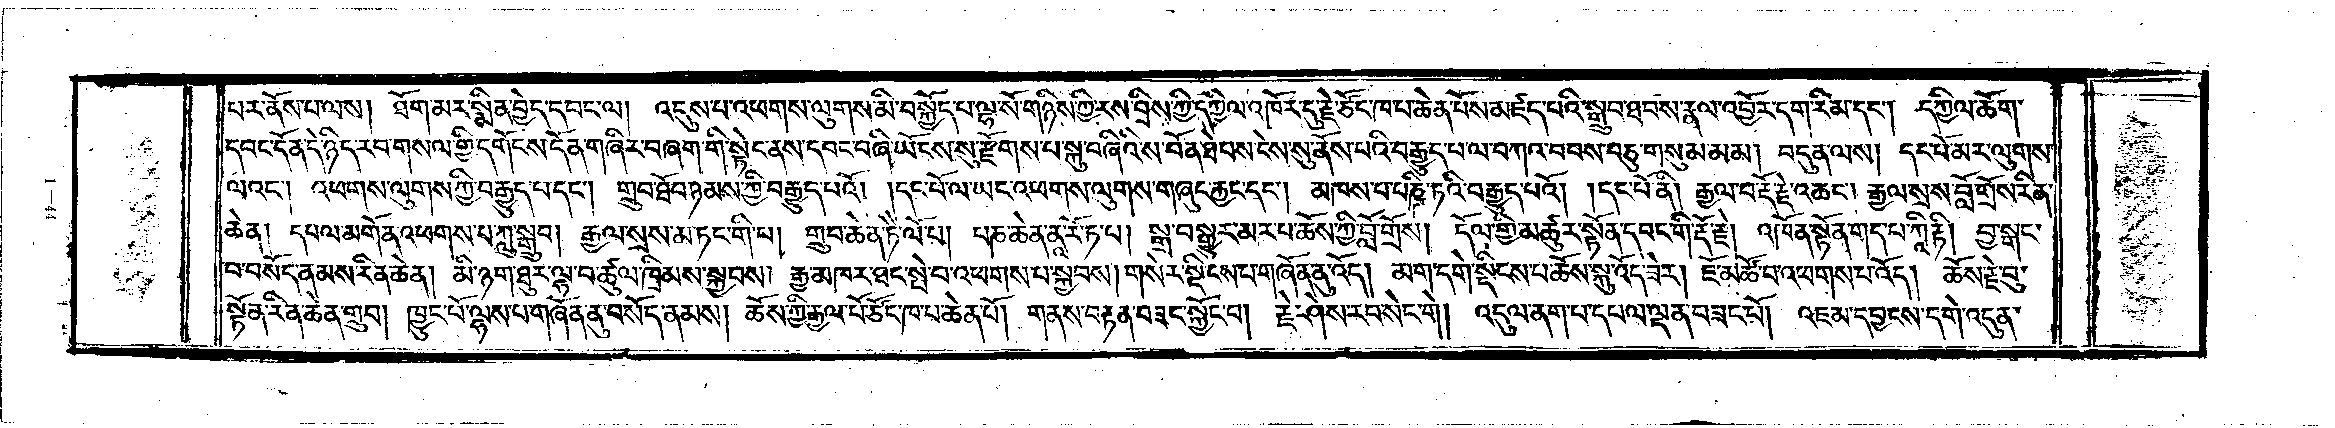པར་ནོས་པ་ལས། ཐོག་མར་སྨིན་བྱེད་དབང་ལ། འདུས་པ་འཕགས་ལུགས་མི་བསྐྱོད་པ་ལྷ་སོ་གཉིས་ཀྱི་རས་བྲིས་ཀྱི་དཀྱིལ་འཁོར་དུ་རྗེ་ཙོང་ཁ་པ་ཆེན་པོས་མཛད་པའི་སྒྲུབ་ཐབས་རྣལ་འབྱོར་དག་རིམ་དང་། དཀྱིལ་ཆོག་
དབང་དོན་དེ་ཉིད་རབ་གསལ་གྱི་དགོངས་དོན་གཞིར་བཞག་གི་སྟེང་ནས་དབང་བཞི་ཡོངས་སུ་རྫོགས་པ་སྐུ་བཞིའི་ས་བོན་ཐེབས་ངེས་སུ་ནོས་པའི་བརྒྱུད་པ་ལ་བཀའ་བབས་བཅུ་གསུམ་མམ། བདུན་ལས། དང་པོ་མར་ལུགས་
ལའང་། འཕགས་ལུགས་ཀྱི་བརྒྱུད་པ་དང་། གྲུབ་ཐོབ་ཉམས་ཀྱི་བརྒྱུད་པའོ། །དང་པོ་ལ་ཡང་འཕགས་ལུགས་གཞུང་རྐྱང་དང་། མཁས་པ་པཎྜི་ཏའི་བརྒྱུད་པའོ། །དང་པོ་ནི། རྒྱལ་བ་རྡོ་རྗེ་འཆང་། རྒྱལ་སྲས་བློ་གྲོས་རིན་
ཆེན། དཔལ་མགོན་འཕགས་པ་ཀླུ་སྒྲུབ། རྒྱལ་སྲས་མ་ཏང་གི་པ། གྲུབ་ཆེན་ཏཻ་ལོ་པ། པཎ་ཆེན་ནཱ་རོ་ཏ་པ། སྒྲ་བསྒྱུར་མར་པ་ཆོས་ཀྱི་བློ་གྲོས། དོལ་གྱི་མཚུར་སྟོན་དབང་གི་རྡོ་རྗེ། འཁོ་བ་བསོད་ནམས་རིན་ཆེན། མི་ཉག་ཐུར་ལྷ་བ་ཚུལ་ཁྲིམས་སྐྱབས། རྒྱ་མཁར་ཐང་སྤེ་བ་འཕགས་པ་སྐྱབས། གསེར་སྡིངས་པ་གཞོན་ནུ་འོད། མག་དགེ་སྡིངས་པ་ཆོས་སྐུ་འོད་ཟེར། ཇོ་མཚོ་བ་འཕགས་པ་འོད། ཆོས་རྗེ་བུ་
སྟོན་རིན་ཆེན་གྲུབ། ཁྱུང་པོ་ལྷས་པ་གཞོན་ནུ་བསོད་ནམས། ཆོས་ཀྱི་རྒྱལ་པོ་ཙོང་ཁ་པ་ཆེན་པོ། གནས་བརྟན་བཟང་སྐྱོང་བ། རྗེ་ཤེས་རབ་སེང་གེ། འདུལ་ནག་པ་དཔལ་ལྡན་བཟང་པོ། འཇམ་དབྱངས་དགེ་འདུན་